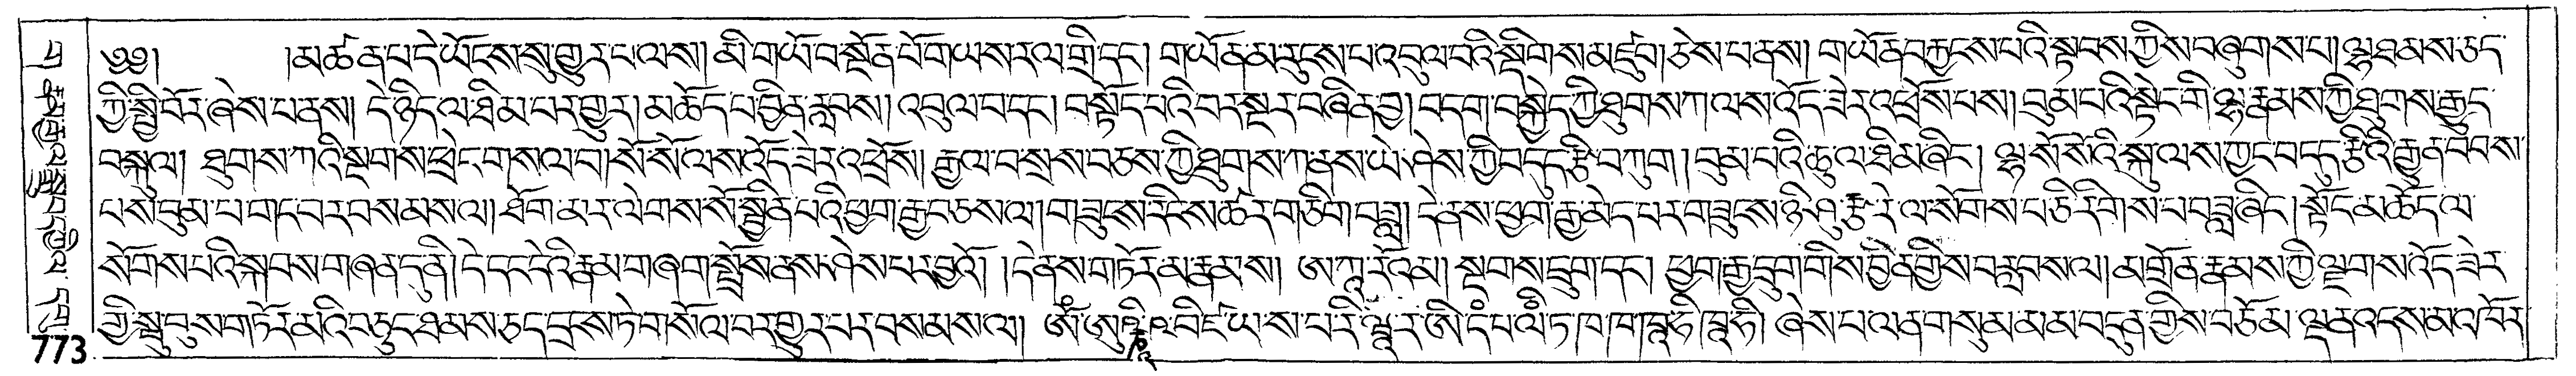༄༅། །མཚན་པ་དེ་ཡོངས་སུ་གྱུར་པ་ལས། མི་གཡོ་བ་སྔོན་པོ་གཡས་རལ་གྲི་དང་། གཡོན་མ་རུངས་པ་འབུལ་བའི་སྡིགས་མཛུབ། ཅེས་པ་ནས། གཡོན་བརྐྱངས་པའི་སྟབས་ཀྱིས་བཞུགས་པ། ལྷ་ཐམས་ཅད་
ཀྱི་སྤྱི་བོར་ཞེས་པ་ནས། དེ་ཉིད་ལ་ཐིམ་པར་གྱུར། མཆོད་པ་བྱིན་རླབས། འབུལ་བ་དང་། བསྟོད་པའི་བར་སྔར་བཞིན་བྱ། བདག་བསྐྱེད་ཀྱི་ཐུགས་ཀ་ལས་འོད་ཟེར་འཕྲོས་པས། བུམ་པའི་སྟེང་གི་ལྷ་རྣམས་ཀྱི་ཐུགས་རྒྱུད་
བསྐུལ། ཐུགས་ཀའི་སྔགས་ཕྲེང་གསལ་བ། སོ་སོ་ལས་འོད་ཟེར་འཕྲོས། རྒྱལ་བ་སྲས་བཅས་ཀྱི་ཐུགས་ཀ་ནས་ཡེ་ཤེས་ཀྱི་བདུད་རྩི་བཀུག །བུམ་པའི་ཆུ་ལ་ཐིམ་ཞིང་། ལྷ་སོ་སོའི་སྐུ་ལས་ཀྱང་བདུད་རྩིའི་རྒྱུན་བབས་
པས་བུམ་པ་གང་བར་བསམས་ལ། ཐོག་མར་ལེགས་སོ་སྦྱིན་པའི་ཕྱག་རྒྱ་བཅས་ལ། གཟུངས་རིངས་ཚར་གཅིག་བཟླ། དེ་ནས་ཕྱག་རྒྱ་མ༣ཨེད་པར་གཟུངས་ཉི་ཤུ་རྩ་རེ་ལ་སོགས་པ་ཅི་རིགས་པ་བཟླ་ཞིང་། སྟོང་མཆོད་ལ་
སོགས་པའི་སྐབས་གཞན་དུ་ནི། དེ་དང་དེའི་རྣམ་གཞག་སྤྲོས་ནས་ཤེས་པར་བྱའོ། །དེ་ནས་གཏོར་མ་རྣམས། ཨ་ཀཱ་རོའམ། སྔགས་དྲུག་དང་། ཕྱག་རྒྱ་དྲུག་གིས་བྱིན་གྱིས་བརླབས་ལ། མགྲོན་རྣམས་ཀྱི་ལྗགས་འོད་ཟེར་
གྱི་སྦུ་བུས་གཏོར་མའི་བཅུད་ཐམས་ཅད་དྲངས་ཏེ་གསོལ་བར་གྱུར་པར་བསམས་ལ། ཨོཾ་ཨུཥྞཱི་ཥ་བི་ཛ་ཡ་ས་པ་རི་ཝཱ་ར་ཨི་དཾ་པ་ལཾ་ཏ་ཁ་ཁ་ཁཱ་ཧི་ཁཱ་ཧི། ཞེས་པ་ལན་གསུམ་མམ་བདུན་གྱིས་བཅོམ་ལྡན་འདས་མ་འཁོར་